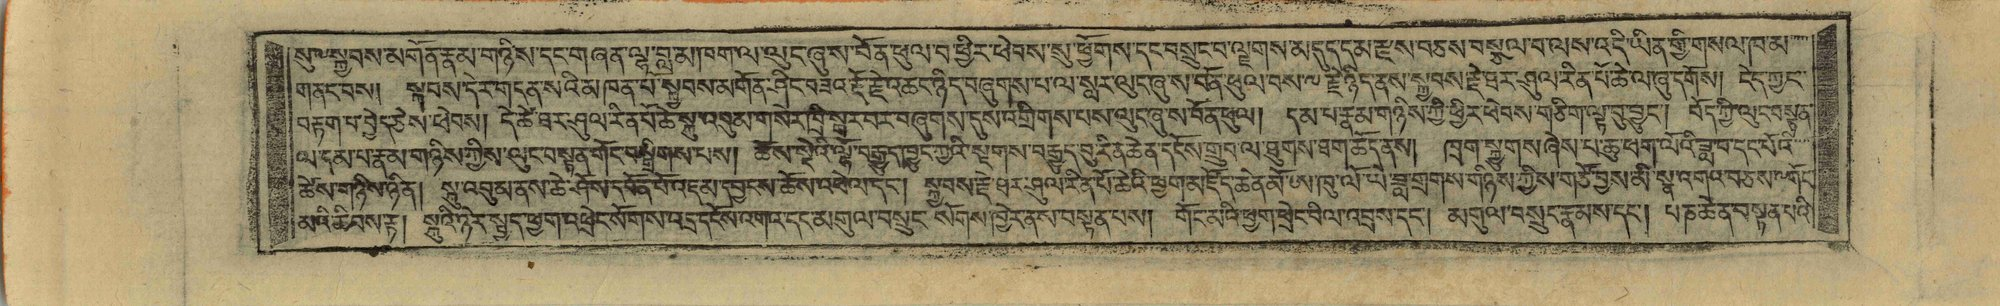སུ་༧་སྐྱབས་མགོན་རྣམ་གཉིས་དང་གཞན་ལྷ་བླ་མ་ཁག་ལ་ལུང་ཞུ་ས་བོན་ཕུལ་བ་ཕྱིར་ཕེབས་སུ་ཕྱོགས་དང་བསྲུང་བ་ལྗགས་མདུད་དམ་རྫས་བཅས་བསྩལ་བ་ལས་འདི་ཡིན་གྱི་གསལ་ཁ་མ་
གནང་བས། སྐབས་དེར་གདན་སའི་མཁན་པོ་སྐྱབས་མགོན་ཤིང་བཟའ་རྡོ་རྗེ་འཆང་ཉིད་བཞུགས་པ་ལ་སླར་ལུང་ཞུ་ས་བོན་ཕུལ་བས་༧་རྗེ་ཉིད་ནས་སྐྱབས་རྗེ་ཐར་ཤུལ་རིན་པོ་ཆེ་ལ་ཞུ་དགོས། ངེད་ཀྱང་
བརྟག་པ་བྱེད་ཅེས་ཕེབས། དེ་ཚེ་ཐར་ཤུལ་རིན་པོ་ཆེ་སྐུ་འབུམ་གསེར་ཁྲི་སྒར་བར་བཞུགས་དུས་འགྲིགས་པས་ལུང་ཞུ་ས་བོན་ཕུལ། དམ་པ་རྣམ་གཉིས་ཀྱི་ཕྱིར་ཕེབས་གཅིག་ལྟ་བུ་བྱུང་། བོད་ཀྱི་ལུང་བསྟན་
ལ་དམ་པ་རྣམ་གཉིས་ཀྱིས་ལུང་བསྟན་གོང་བསྒྲིགས་པས། ཆོས་སྡེའི་ལྷོ་བརྒྱུད་ཁྱུང་ཀྱའི་སྔགས་བརྒྱུད་བུ་རིན་ཆེན་དངོས་གྲུབ་ལ་ཐུགས་ཐག་ཆོད་ནས། ཁྲག་སྐྱུགས་ཞེས་པ་ཆུ་ཕག་ལོའི་ཟླ་བ་དང་པོའི་
ཚེས་གཉིས་ཉིན། སྐུ་འབུམ་ནས་ཆེ་ཤོས་དབོན་པོ་འཇམ་དབྱངས་ཆོས་འཕེལ་དང་། སྐྱབས་རྗེ་ཐར་ཤུལ་རིན་པོ་ཆེའི་ཕྱག་མཛོད་ཆེན་མོ་ཨ་ཁུ་ལོ་ཡེ་ཟླ་གྲགས་གཉིས་ཀྱིས་གཙོ་བྱས་མི་སྣ་འགའ་བཅས་༧གོང་
མའི་ཆིབས་རྟ། སྐུའི་ཉེར་སྤྱད་ཕྱག་འཕྲེང་སོགས་འདྲ་དངོས་འགའ་དང་མགུལ་བསྲུང་སོགས་ཁྱེར་ནས་བསྟན་པས། གོང་མའི་ཕྱག་ཕྲེང་བིལ་འབྲས་དང་། མགུལ་བསྲུང་རྣམས་དང་། པཎ་ཆེན་བསྟན་པའི་